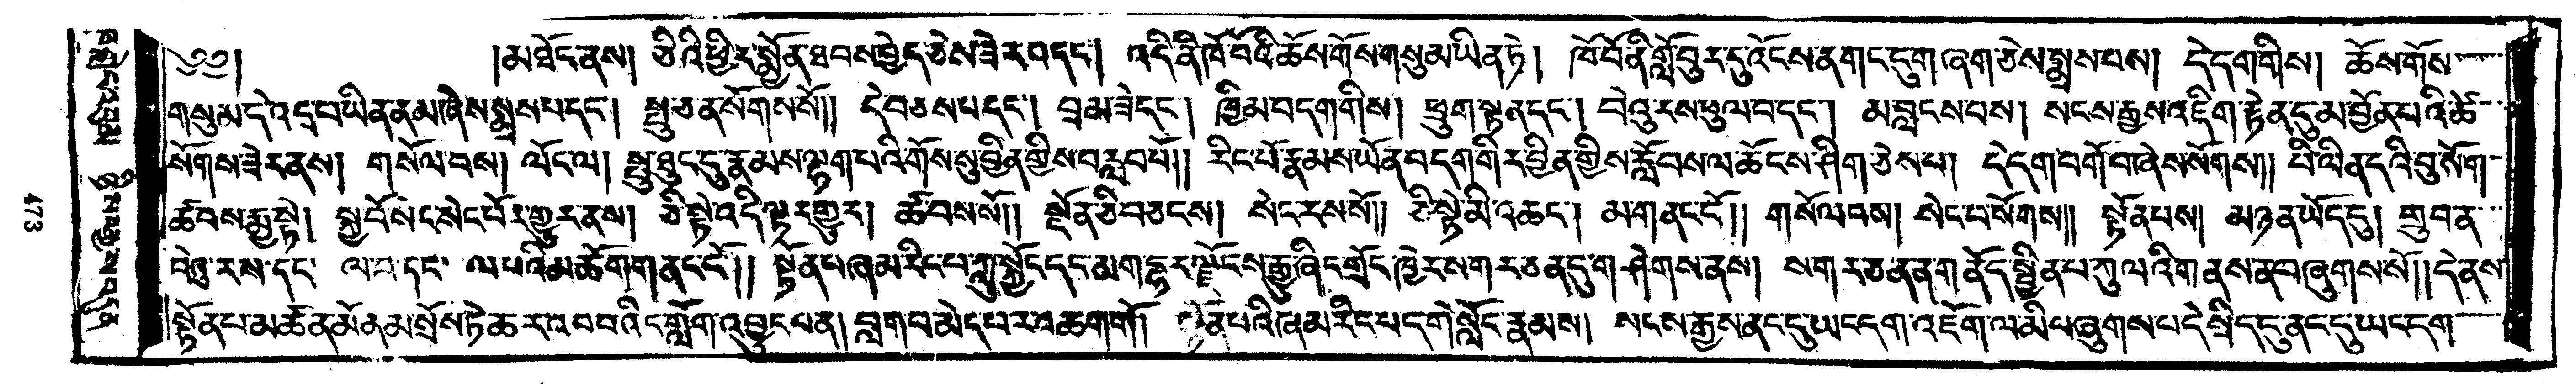༄༅། །མཐོང་ནས། ཅིའི་ཕྱིར་སྨྱོན་ཐབས་བྱེད་ཅེས་ཟེར་བ་དང་། འདི་ནི་ཁོ་བོའི་ཆོས་གོས་གསུམ་ཡིན་ཏེ། ཁོ་བོ་ནི་གློ་བུར་དུ་འོངས་ན་གང་དུ་གཞག་ཅེས་སྨྲས་པས། དེ་དག་གིས། ཆོས་གོས་
གསུམ་དེ་འདྲ་བ་ཡིན་ནམ་ཞེས་སྨྲས་པ་དང་། སྤུ་ཅན་སོགས་སོ།། དེ་བཅས་པ་དང་། བྲམ་ཟེ་དང་། ཁྱིམ་བདག་གིས། ཕྲུག་སྟན་དང་། བེའུ་རས་ཕུལ་བ་དང་། མ་བླངས་པས། སངས་རྒྱས་འཇིག་རྟེན་དུ་མ་བྱོན་པའི་ཚེ་
སོགས་ཟེར་ནས། གསོལ་བས། ལོང་ལ། སྤུ་ཐུང་དུ་རྣམས་ལྷག་པའི་གོས་སུ་བྱིན་གྱིས་བརླབ་པོ།། རིང་པོ་རྣམས་ཡོན་བདག་གིར་བྱིན་གྱིས་རློབས་ལ་ཆོངས་ཤིག་ཅེས་པ། དེ་དག་བགོ་བ་ཞེས་སོགས།། པི་ལིན་དའི་བུ་སོག་
ཚབས་རྨྱ་སྟེ། སྐྱ་བོ་སེང་སེང་པོར་གྱུར་ནས། ཅི་སྟེ་འདི་ལྟར་གྱུར། ཚ་བས་སོ།། སྔོན་ཅི་བཅངས། སེང་རས་སོ།། ཅི་སྟེ་མི་འཆང་། མ་གནང་ངོ།། གསོལ་བས། སེང་པ་སོགས།། སྟོན་པས། མཉན་ཡོད་དུ། གྲུབ་ན་
བེའུ་རས་དང་། ལ་བ་དང་ལ་པའི་མཆོག་གནང་ངོ།། སྟོན་པ་ཞམ་རིང་པ་ཀླུ་སྐྱོང་དང་མག་དྷར་ལྗོངས་རྒྱུ་ཞིང་གྲོང་ཁྱེར་ས་གར་ཅན་དུ་གཤེགས་ནས། ས་གར་ཅན་ན་གནོད་སྦྱིན་པ་ཀུ་ལའི་གནས་ན་བཞུགས་སོ།། དེ་ནས་
སྟོན་པ་མཚན་མོ་ནམ་སྲོས་ཏེ་ཆར་འབབ་འིང་གློག་འབྱུང་པ་ན། བླག་པ་མེད་པར་འཆག་གོ། སྟོན་པའི་ཞམ་རིང་པ་དགེ་སློང་རྣམས། སངས་རྒྱས་ནང་དུ་ཡང་དག་འཇོག་ལ་མི་བཞུགས་པ་དེ་སྲིད་དུ་ནང་དུ་ཡང་དག་